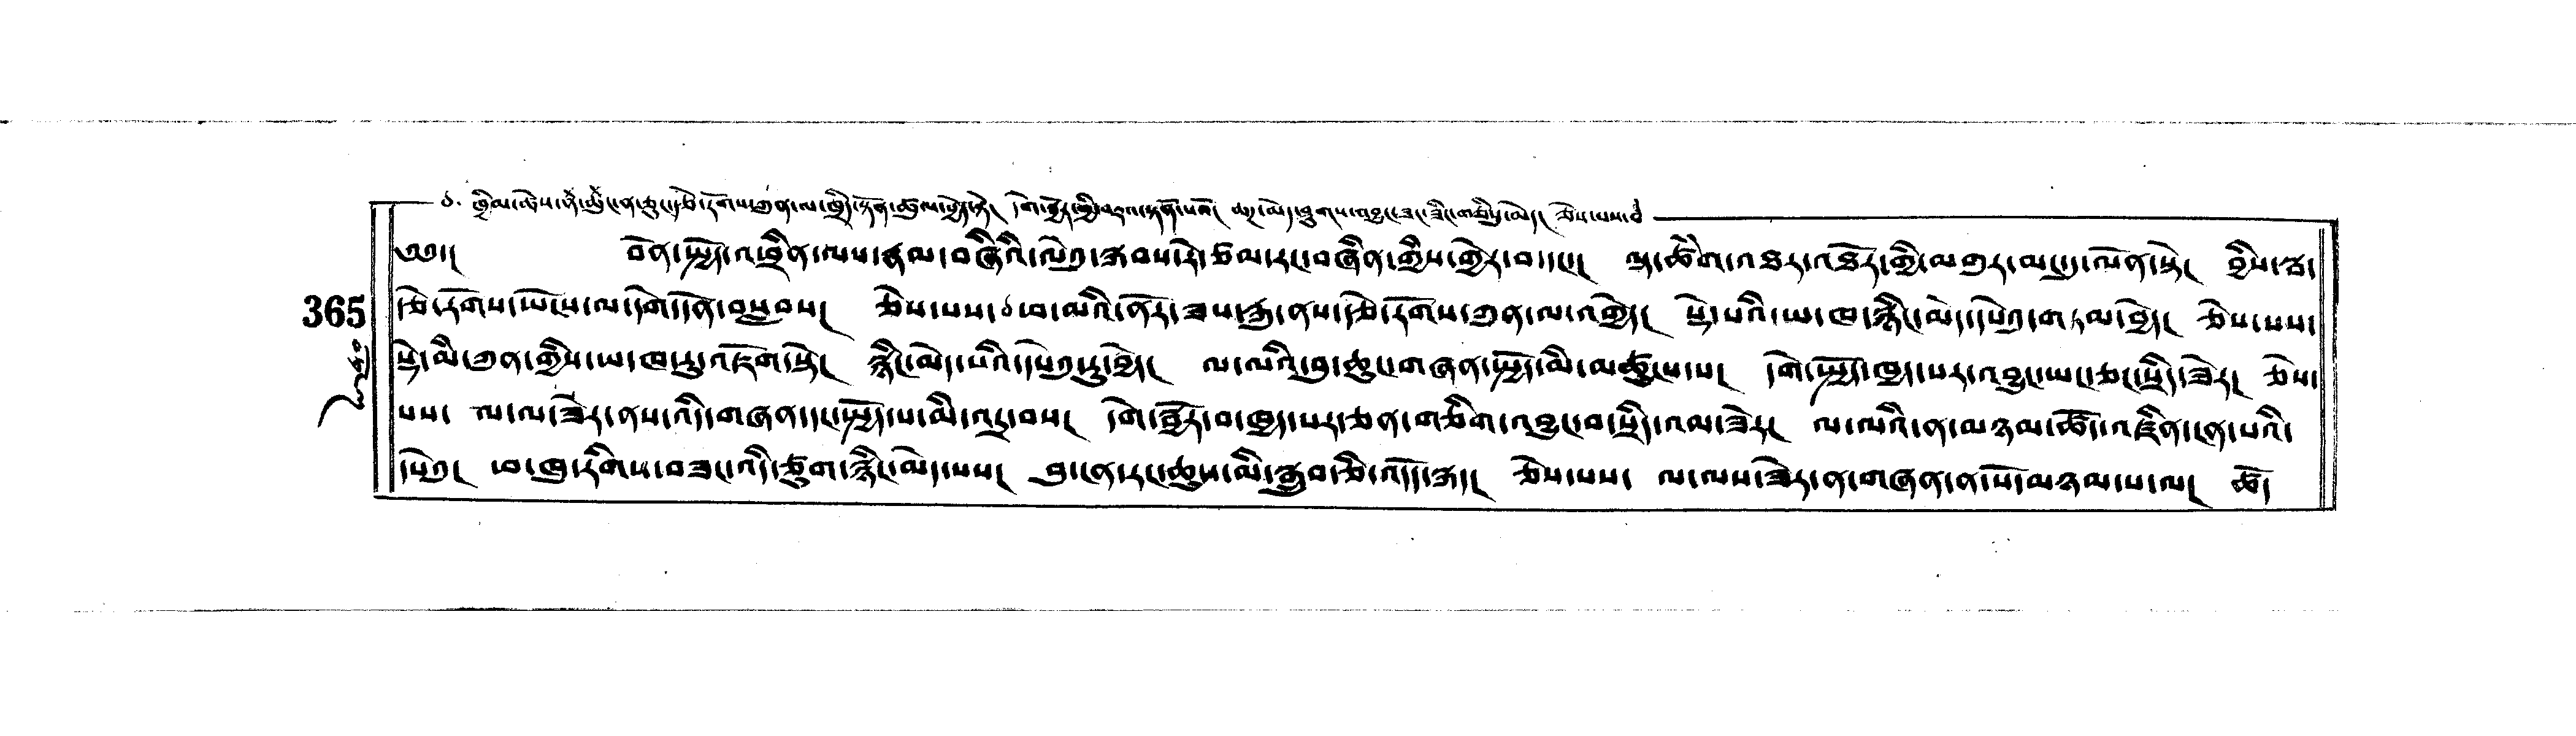བོན་སྤྱོད་འཕྲིན་ལས་རྣམ་བཞིའི་ལེའུ་སྐབས་རེ་ཙམ་རང་བཞིན་གྱིས་གྱེར་བ་དང་། ལྟ་ཚིག་ཐར་ཐོར་གྱི་འགུར་མང་དུ་ལོན་སྟེ། བྱིས་པ་
རྩེ་རོགས་ཡོངས་ལ་དགེ་དོན་བསླབས། ཅེས་པས། ཁྱིམ་མཚེས་ན་ཆུང་རྩེ་རོགས་ཀུན་ལ་ཁྲིད་སྟོན་ཚུལ་བྱེད་དེ། དགེ་སྦྱོར་གྱི་བརྡ་སྟོན་པའོ། ཆགས་མེད་ཤུགས་འབྱུང་ཟང་ཟིང་རྩིས་སུ་མེད། ཅེས་པས། ཕ་མའི་ནོར་ཟས་བརྐུས་ནས་རྩེད་རོགས་ཀུན་ལ་འགྱེད། སྡེ་པའི་ཡ་ག་སྙིང་མེད་དཔེའུ་གཏམ་བྱེད། ཅེས་པས། 
སྡེ་མི་ཀུན་གྱིས་ཡ་ཁ་རུ་འཇོག་སྟེ། སྙིང་མེད་པའི་དཔེའུ་རུ་བྱེད། ལ་ལའི་བུ་སྤྱོད་གཞན་སྤྱོད་མི་མཚུངས་པ། དགེ་སྤྱོད་ཁྱད་པར་འབྱུང་ཡང་ཅང་སྲིད་ཟེར། ཅེས་པས། 
ལ་ལ་ཟེར་ནས་འདི་གཞན་དང་སྤྱོད་པ་མི་འདྲ་བས། དགེ་སྦྱོར་བ་ཁྱད་པར་ཅན་གཅིག་འབྱུང་བ་སྲིད་འམ་ཟེར། ལ་ལའི་ན་མཉམ་ཚོད་འཛིན་ངན་པའི་
དཔེའུ། ཕ་ཁུ་རིགས་བཟང་འདི་ཙུག་སྙིང་མེད་པས། བུ་ངན་རང་ཆུས་མི་བསྒྲུབ་ཅི་འདོད་སྐད། ཅེས་པས། ལ་ལས་ཟེར་ནས་གཞན་ན་སོ་མཉམ་པ་ལ། ཚོད་